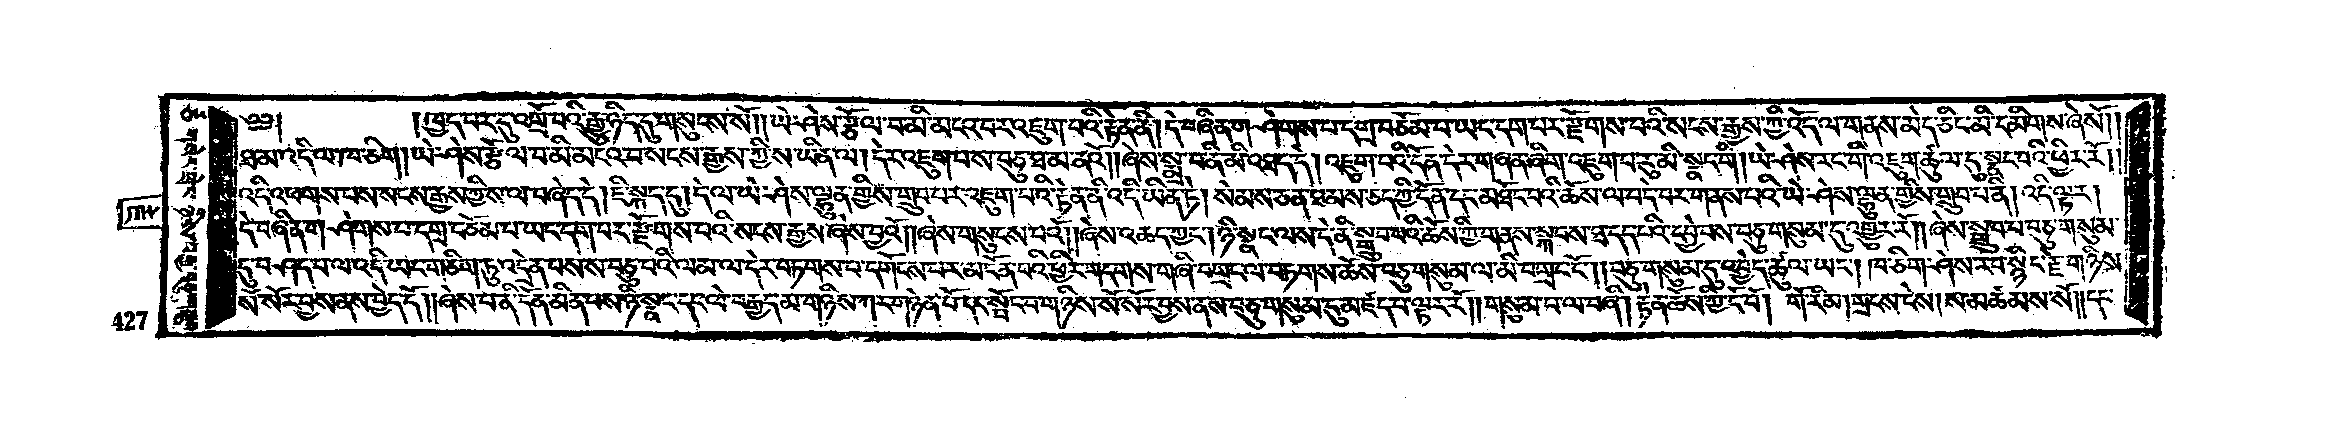༄༅། །ཁྱད་པར་དུ་འགྲོ་བའི་རྒྱུ་ཉིད་དུ་གསུངས་སོ། །ཡེ་ཤེས་རྩོལ་བ་མི་མངའ་བར་འཇུག་པའི་རྟེན་ནི། དེ་བཞིན་གཤེགས་པ་དགྲ་བཅོམ་པ་ཡང་དག་པར་རྫོགས་པའི་སངས་རྒྱས་ཀྱི་འོད་ལ་གནས་མེད་ཅིང་མི་དམིགས་ཞེས་སོ། །
ཐ་མ་འདི་ལ་ཁ་ཅིག །ཡེ་ཤེས་རྩོལ་བ་མི་མངའ་བ་སངས་རྒྱས་ཀྱི་ས་ཡིན་ལ། དེར་འཇུག་པ་ས་བཅུ་ཐ་མ་ནའོ། །ཞེས་སྨྲ་བ་ནི་མི་འཐད་དེ། འཇུག་པའི་དོན་དེར་གཞན་ཞིག་འཇུག་པ་རུ་མི་སྣང་གི། ཡེ་ཤེས་རང་གི་འཇུག་ཚུལ་དུ་སྣང་བའི་ཕྱིར་རོ། །
འདི་འཕགས་པས་སངས་རྒྱས་ཀྱི་ས་ལ་བཞེད་དེ། ཇི་སྐད་དུ། དེ་ལ་ཡེ་ཤེས་ལྷུན་གྱིས་གྲུབ་པར་འཇུག་པའི་རྟེན་ནི་འདི་ཡིན་ཏེ། སེམས་ཅན་ཐམས་ཅད་ཀྱི་དོན་དང་མཐོང་བའི་ཆོས་ལ་བདེ་བར་གནས་པའི་ཡེ་ཤེས་ལྷུན་གྱིས་གྲུབ་པ་ནི། འདི་ལྟར།
དེ་བཞིན་གཤེགས་པ་དགྲ་བཅོམ་པ་ཡང་དག་པར་རྫོགས་པའི་སངས་རྒྱས་ཞེས་བྱའོ། །ཞེས་གསུངས་པའོ། །ཞེས་འཆད་ཀྱང་། ཉི་སྣང་ལས་དེ་ནི་སྒྲུབ་པའི་ཆོས་ཀྱི་གནས་སྐབས་ཐ་དད་པའི་དབྱེ་བས་བཅུ་གསུམ་དུ་འགྱུར་རོ། །ཞེས་སྒྲུབ་པ་བཅུ་གསུམ་
དུ་བཤད་པ་ལ་འདི་ཡང་གཅིག་ཏུ་འདྲེན་པས་ས་བཅུ་པའི་ལམ་ལ་དེར་བཏགས་པ་དགོངས་པར་མངོན་པའི་ཕྱིར་གདགས་གཞི་བགྲང་ལ་བཏགས་ཆོས་བཅུ་གསུམ་ལ་མི་བགྲང་ངོ། །བཅུ་གསུམ་དུ་འབྱེད་ཚུལ་ཡང་། ཁ་ཅིག་ཤེས་རབ་སྙིང་རྗེ་གཉིས་
སོ་སོར་བྱས་ནས་བྱེད་དོ། །ཞེས་པ་ནི་དོན་མིན་པས་ཉི་སྣང་དང་ལེ་བརྒྱད་མ་གཉིས་ཀར་གཉེན་པོ་དང་སྤོང་བ་གཉིས་སོ་སོར་བྱས་ནས་བཅུ་གསུམ་དུ་མཛད་པ་ལྟར་རོ། །གསུམ་པ་ལ་བཞི། རྟེན་ཆོས་ཀྱི་ངོ་བོ། གོ་རིམ། གྲངས་ངེས། ས་མཚམས་སོ། །དང་